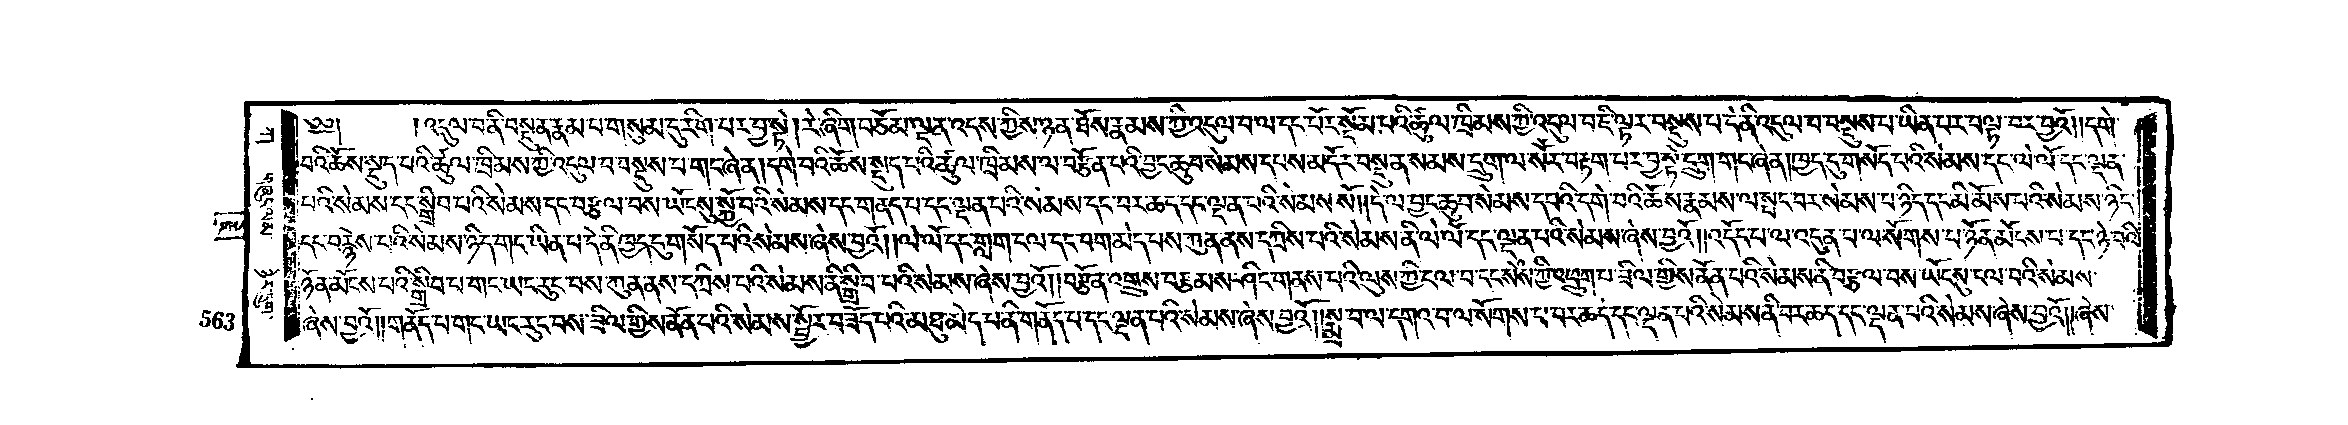༄༅། །འདུལ་བ་ནི་བསྡུ་ན་རྣམ་པ་གསུམ་དུ་རིག་པར་བྱ་སྟེ། རེ་ཞིག་བཅོམ་ལྡན་འདས་ཀྱིས་ཉན་ཐོས་རྣམས་ཀྱི་འདུལ་བ་ལ་དང་པོར་སྡོམ་པའི་ཚུལ་ཁྲིམས་ཀྱི་འདུལ་བ་ཇི་ལྟར་བསྡུས་པ་དེ་ནི་འདུལ་བ་བསྡུས་པ་ཡིན་པར་བལྟ་བར་བྱའོ། །དགེ་
བའི་ཆོས་སྡུད་པའི་ཚུལ་ཁྲིམས་ཀྱི་འདུལ་བ་བསྡུས་པ་གང་ཞེ་ན། དགེ་བའི་ཆོས་སྡུད་པའི་ཚུལ་ཁྲིམས་ལ་བརྩོན་པའི་བྱང་ཆུབ་སེམས་དཔས་མདོར་བསྡུ་ན་སེམས་དྲུག་ལ་སོར་བརྟག་པར་བྱ་སྟེ་དྲུག་གང་ཞེ་ན། ཁྱད་དུ་གསོད་པའི་སེམས་དང་ལེ་ལོ་དང་ལྡན་
པའི་སེམས་དང་སྒྲིབ་པའི་སེམས་དང་བརྩལ་བས་ཡོངས་སུ་སྐྱོ་བའི་སེམས་དང་གནད་པ་དང་ལྡན་པའི་སེམས་དང་བར་ཆད་དང་ལྡན་པའི་སེམས་སོ། །དེ་ལ་བྱང་ཆུབ་སེམས་དཔའི་དགེ་བའི་ཆོས་རྣམས་ལ་སྤང་བར་སེམས་པ་ཉིད་དང་མི་མོས་པའི་སེམས་ཉིད་
དང་བརྙེས་པའི་སེམས་ཉིད་གང་ཡིན་པ་དེ་ནི་ཁྱད་དུ་གསོད་པའི་སེམས་ཞེས་བྱའོ། །ལེ་ལོ་དང་གླག་ངལ་དང་བག་མེད་པས་ཀུན་ནས་དཀྲིས་པའི་སེམས་ནི་ལེ་ལོ་དང་ལྡན་པའི་སེམས་ཞེས་བྱའོ། །འདོད་པ་ལ་འདུན་པ་ལ་སོགས་པ་ཉོན་མོངས་པ་དང་ཉེ་བའི་
ཉོན་མོངས་པའི་སྒྲིབ་པ་གང་ཡང་རུང་བས་ཀུན་ནས་དཀྲིས་པའི་སེམས་ནི་སྒྲིབ་པའི་སེམས་ཞེས་བྱའོ། །བརྩོན་འགྲུས་བརྩམས་ཤིང་གནས་པའི་ལུས་ཀྱི་ངལ་བ་དང་སེམས་ཀྱི་འཕྲུག་པ་ཟིལ་གྱིས་ནོན་པའི་སེམས་ནི་བརྩལ་བས་ཡོངས་སུ་ངལ་བའི་སེམས་
ཞེས་བྱའོ། །གནོད་པ་གང་ཡང་རུང་བས་ཟིལ་གྱིས་ནོན་པའི་སེམས་སྦྱོར་བཟོད་པའི་མཐུ་མེད་པ་ནི་གནོད་པ་དང་ལྡན་པའི་སེམས་ཞེས་བྱའོ། །སྨྲ་བ་ལ་དགའ་བ་ལ་སོགས་པ་བར་ཆད་དང་ལྡན་པའི་སེམས་ནི་བར་ཆད་དང་ལྡན་པའི་སེམས་ཞེས་བྱའོ། །ཞེས་